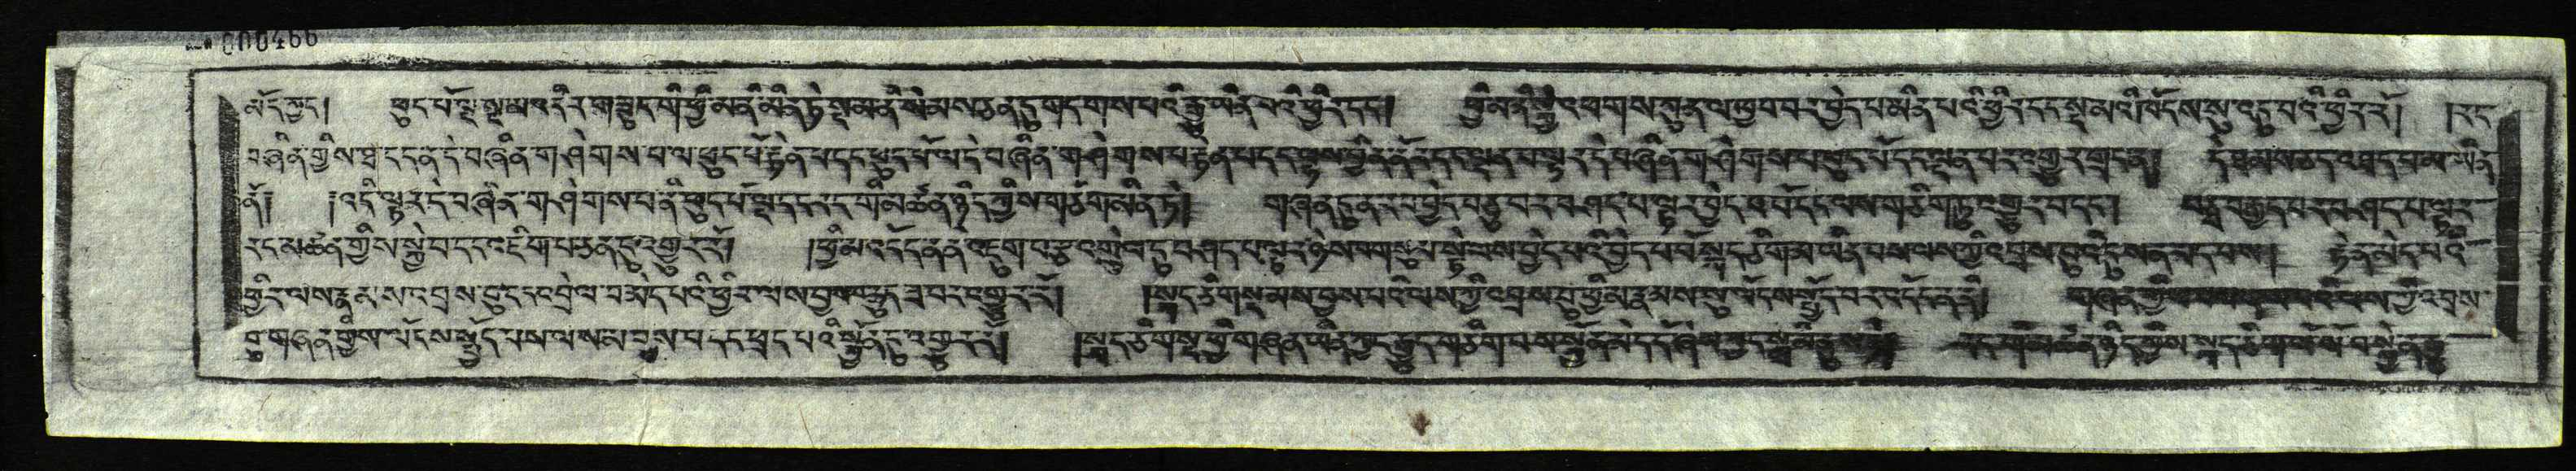མོད་ཀྱང་། ཕུང་པོ་ལྔ་སྔ་མ་འདིར་གཟུང་གི་ཕྱི་མ་ནི་མིན་ཏེ་སྔ་མ་ནི་སེམས་ཅན་དུ་གདགས་པའི་རྒྱུ་ཡིན་པའི་ཕྱིར་དང་། ཕྱི་མ་ནི་སྐྱེ་འཕགས་ཀུན་ལ་ཁྱབ་པར་བྱེད་པ་མིན་པའི་ཕྱིར་དང་སྔ་མའི་ཁོངས་སུ་འདུ་བའི་ཕྱིར་རོ། །རང་
བཞིན་གྱིས་ཐ་དད་ན་དེ་བཞིན་གཤེགས་པ་ལ་ཕུང་པོ་རྟེན་པ་དང་ཕུང་པོ་ལ་དེ་བཞིན་གཤེགས་པ་རྟེན་པ་དང་ལྷས་བྱིན་ནོར་དང་ལྡན་པ་ལྟར་དེ་བཞིན་གཤེགས་པ་ཕུང་པོ་དང་ལྡན་པར་འགྱུར་གྲང་ན། དེ་ཐམས་ཅད་འཐད་པ་མ་ཡིན་
ནོ༑ ༑འདི་ལྟར་དེ་བཞིན་གཤེགས་པ་ནི་ཕུང་པོ་ལྔ་དང་རང་གི་མཚན་ཉིད་ཀྱིས་གཅིག་མིན་ཏེ། གཞན་དུ་ན་རབ་བྱེད་བཅུ་བར་བཤད་པ་ལྟར་བྱེད་པ་པོ་དང་ལས་གཅིག་ཏུ་འགྱུར་བ་དང་། བཅྭ་བརྒྱད་པར་བཤད་པ་ལྟར་
རང་མཚན་གྱིས་སྐྱེ་བ་དང་འཇིག་པ་ཅན་དུ་འགྱུར་རོ། །ཕྱི་མ་འདོད་ན་ནི་འཇུག་པ་རྩ་འགྲེལ་དུ་བཤད་པ་ལྟར་ཉེས་བ་གསུམ་སྟེ་ལས་བྱེད་པའི་བྱེད་པ་པོ་སྐད་ཅིག་མ་ཡིན་པས་ལས་ཀྱི་འབྲས་བུའི་དུས་ན་མེད་པས། རྟེན་མེད་པའི་
ཕྱིར་ལས་རྣམས་འབྲས་བུ་དང་འབྲེལ་བ་མེད་པའི་ཕྱིར་ལས་བྱས་བ་ཆུད་ཟ་བར་འགྱུར་རོ། །སྐད་ཅིག་སྔ་མས་བྱས་པའི་ལས་ཀྱི་འབྲས་བུ་ཕྱི་མ་རྣམས་སུ་ལོངས་སྤྱོད་པར་འདོད་ན་ནི། གཞན་གྱིས་བསོད་ནམ་པའི་ལས་ཀྱི་འབྲས་
བུ་གཞན་གྱིས་ལོངས་སྤྱོད་པས་ལས་མ་བྱས་པ་དང་ཕྲད་པའི་སྐྱོན་དུ་འགྱུར་རོ། །སྐད་ཅིག་སྔ་ཕྱི་གཞན་ཡིན་ཀྱང་རྒྱུད་གཅིག་པས་སྐྱོན་མེད་དོ་ཞེས་ཀྱང་སྒྲ་མི་ནུས་སོ། རང་གི་མཚན་ཉིད་ཀྱིས་སྐད་ཅིག་སོ་སོ་བ་སྐྱེ་ན་རྒྱུ་